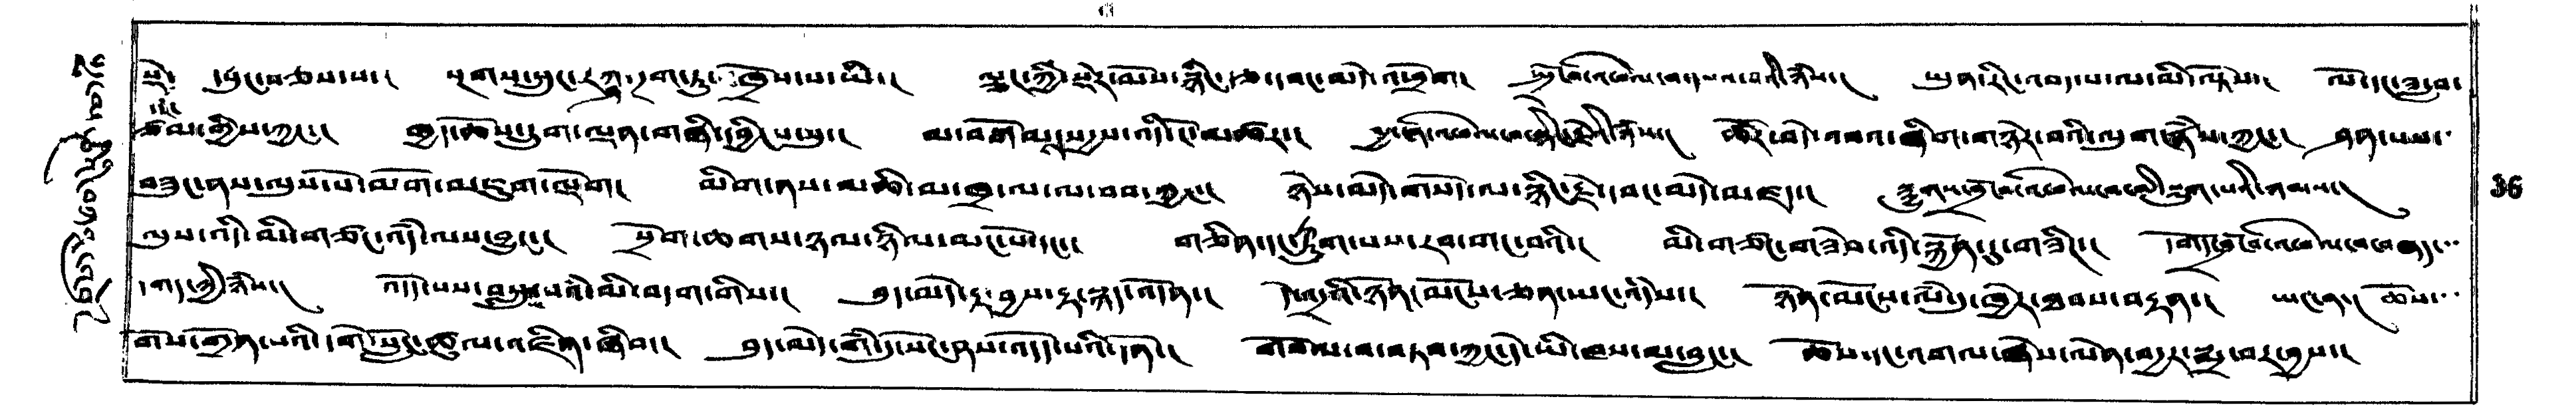སྡེ་དང་དཔུང་བཅས་པ། །སྔགས་སྲུང་རཀྵ་དྲག་ཏུ་ཁྲོས་པ་ཡིས། །ལྕགས་ཀྱི་སྡེར་མོས་སྙིང་རྩ་དབང་མེད་ཕྲོགས། སྤྲོ་བ་འཕེལ་བ་དཔའ་བའི་ཉམས། ཡུན་རིང་འབད་པ་ལ་མི་ལྟོས། །ལོ་དང་ཟླ་བ་
ཙམ་གྱིས་ཀྱང་། །ཁྱད་ཆོས་དྲུག་ལྡན་གཞི་དབྱིངས་སུ། །མ་བསྒོམས་སངས་རྒྱས་འདི་ངོ་མཚར། ། མྱ་ངན་འཕེལ་བ་སྙིང་རྗེའི་ཉམས། ཚོར་བདེ་འབའ་ཞིག་གཉེར་བའི་ལུག་རྣམས་ཀྱང་། །ཤན་པས་
བཟུང་ནས་ལུས་པོ་མགོ་མཇུག་ལྡོག མིག་ནས་འཆི་མ་ཁྲ་ལ་ལ་བབ་ཀྱང་། །ཉེས་མེད་གསོད་ལ་སྙིང་རྗེ་དབང་མེད་མཛད། ། སྐྱུགས་བྲོ་བ་འཕེལ་བ་མི་སྡུག་པའི་ཉམས། 
ལུས་འདི་མི་གཙང་འདམ་ལས་བྱུང་། །སྲོག་ཆགས་ཉལ་ཉིལ་མང་པོ་དང་། །གཅིན་དང་རྟུག་པས་རབ་གང་བའི། །མི་གཙང་གཟེབ་འདི་སྐྱོན་དུ་གཟིགས། ། དགོད་བྲོ་བ་འཕེལ་བ་བཞད་
དགད་ཀྱི་ཉམས། འདོད་པས་བསླུས་བའི་མི་བདག་གིས། །བུད་མེད་རྟ་བྱས་རྟ་སྐད་འདོན། །དེ་འདྲའི་ཉོན་མོངས་ཅན་ཡང་འདིས། །ཉོན་མོངས་ལམ་དུ་ཁྱེར་ཐབས་བསྟན། ། ཡང་ན། ཆོས་
གོས་གྱོན་པའི་དགེ་སློང་ཚུལ་འཛིན་ཞིང་། །བུད་མེད་གམ་དུ་སོང་ནས་འདོད་པའི་དོན། །གསོལ་བ་བཏབ་ཀྱང་དེ་ཡི་ཁས་མ་བླངས། །ཆོས་དང་འགལ་ཞེས་ལེན་བརྒྱར་སྨྲ་བར་བྱས། །